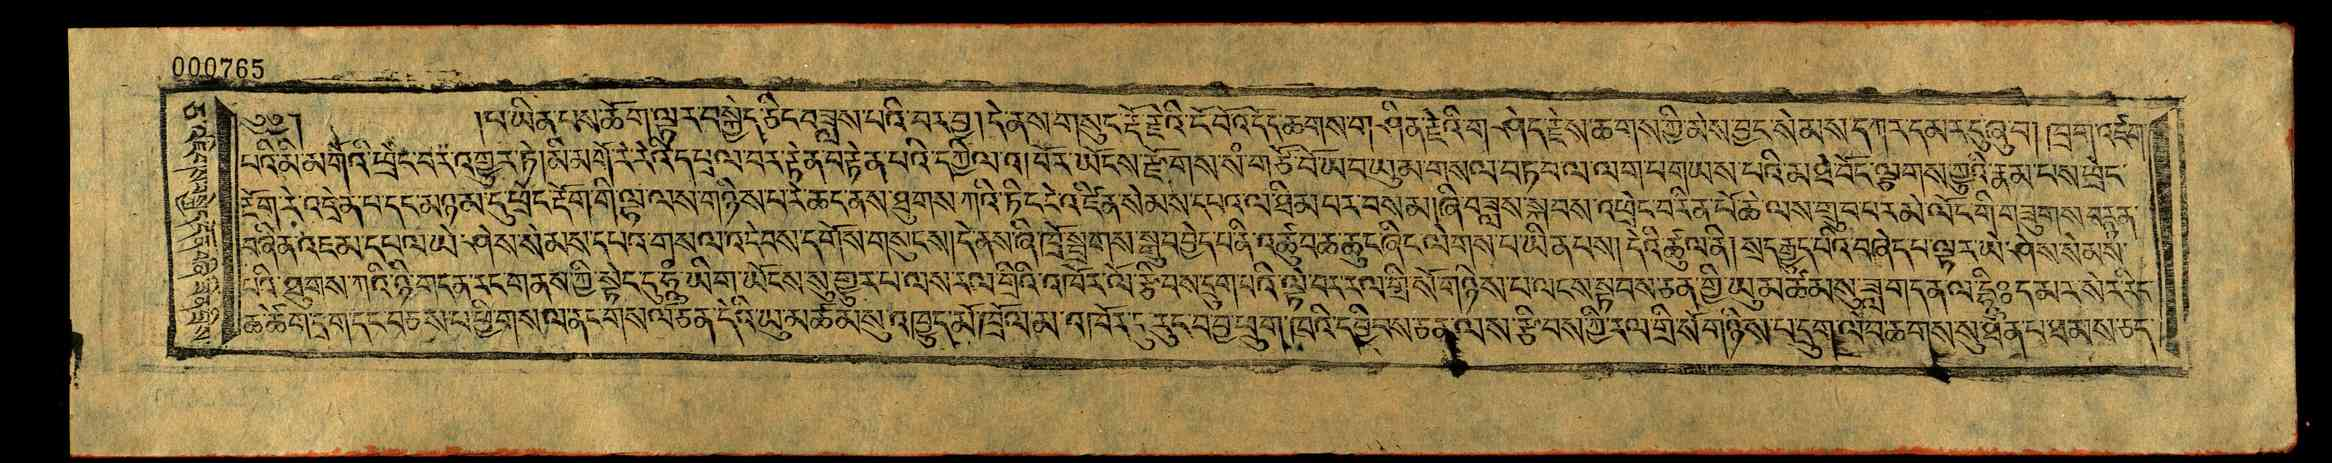༄༅། །པ་ཡིན་པས་ཆོ་ག་ལྟར་བསྐྱེད་ཅིང་བཟླས་པའི་བར་བྱ། དེ་ནས་གསུང་རྡོ་རྗེའི་ངོ་བོ་འདོད་ཆགས་གཤིན་རྗེའི་གཤེད་རྗེས་ཆགས་ཀྱི་མེས་བྱང་སེམས་དཀར་དམར་དུ་ཞུ་བ། ཁྲག་འཛག་
པའི་མི་མགོའི་ཕྲེང་བར་གྱུར་ཏེ། མི་མགོ་རེ་རེའི་དཔྲལ་བར་རྟེན་བརྟེན་པའི་དཀྱིལ་འཁོར་ཡོངས་རྫོགས་སཾ་གཙོ་བོ་ཡབ་ཡུམ་གསལ་བཏབ་ལ་ལག་པ་གཡས་པའི་མཐེ་བོང་ལྕགས་ཀྱུའི་རྣམ་པས་ཕྲེང་
རྡོག་རེ་འདྲེན་པ་དང་མཉམ་དུ་ཕྲེང་རྡོག་གི་ལྷ་ལས་གཉིས་པ་རེ་ཆད་ནས་ཐུགས་ཀའི་ཏིང་ངེ་འཛིན་སེམས་དཔའ་ལ་ཐིམ་པར་བསམ། ཞི་བཟླས་སྐབས་འཕྲེང་བ་རིན་པོ་ཆེ་ལས་གྲུབ་པར་མེ་ལོང་གི་གཟུགས་བརྙན་
བཞིན་འཇམ་དཔལ་ཡེ་ཤེས་སེམས་དཔའ་གསལ་འདེབས་དགོས་གསུངས། དེ་ནས་ཞི་ཁྲོ་སྦྲགས་སྒྲུབ་བྱེད་པ་ནི་འཚུབ་ཆ་ཆུང་ཞིང་ལེགས་པ་ཡིན་པས། དེའི་ཚུལ་ནི། སྲད་རྒྱུད་པའི་བཞེད་པ་ལྟར་ཡེ་ཤེས་སེམས་
པའི་ཐུགས་ཀའི་ཉི་གདན་རང་གནས་ཀྱི་སྟེང་དུ་ཧཱུཾ་ཡིག་ཡོངས་སུ་གྱུར་པ་ལས་རལ་གྲིའི་འཁོར་ལོ་རྩིབས་དྲུག་པའི་ལྟེ་བར་རལ་གྲི་སོ་གཉིས་པ་ལངས་སྟབས་ཅན་གྱི་ཡུ་མཚམས་སུ་ཟླ་གདན་ལ་དྷཱིཿ དམར་སེར་རིང་
ཆ་ཚེག་དྲག་དང་བཅས་པ་ཕྱི་གསལ་ནང་གསལ་ཅན། དེའི་ཡུ་མཚམས་སུ་འཁྱུད་མོ་ཁྲོལ་མ་འཁོར་དུ་རུང་བ་བྱ་ཕྲུག་ཁའི་དབྱིབས་ཅན་ལས་རྩིབས་ཀྱི་རལ་གྲི་སོ་གཉིས་པ་དྲུག་ལེབ་ཆགས་སུ་ཐོན་པ་ཐམས་ཅད་